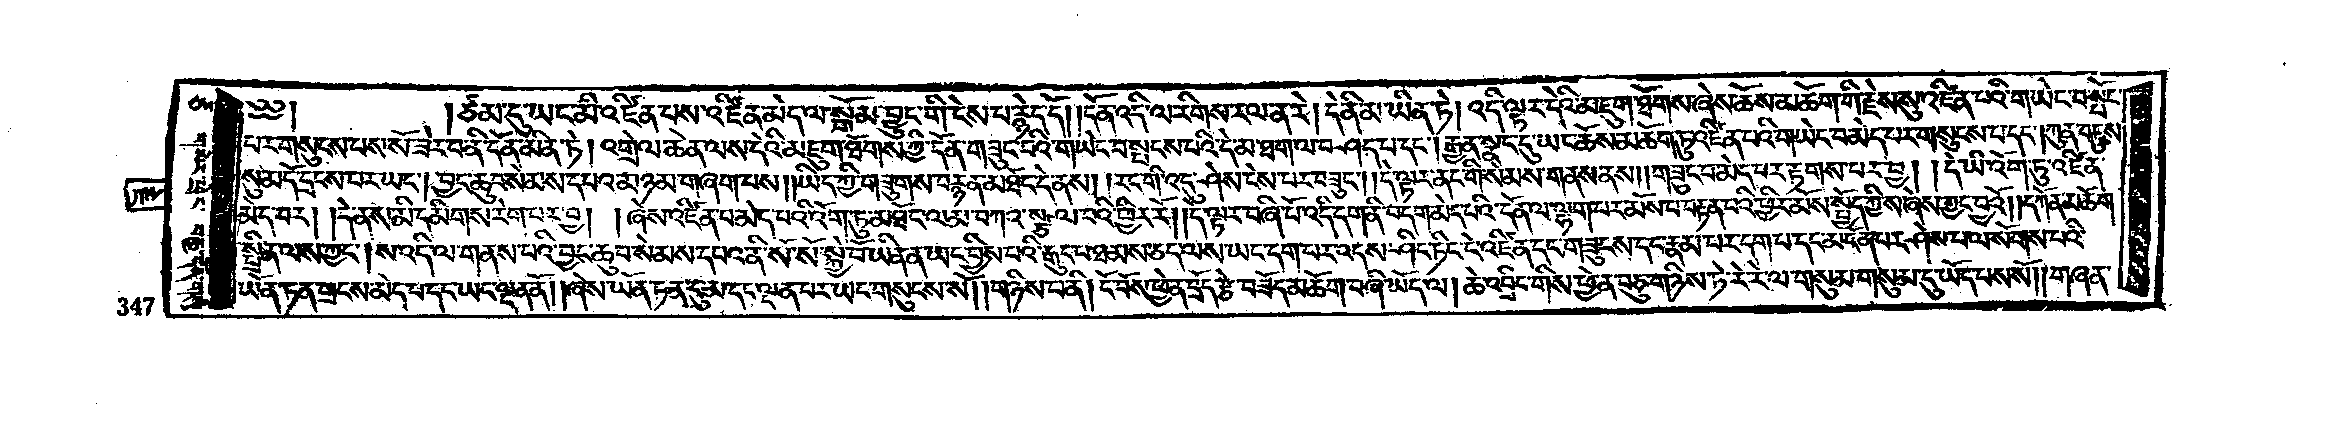༄༅། །ཙམ་དུ་ཡང་མི་འཛིན་པས་འཛིན་མེད་ལ་སྒོམ་བྱུང་གི་ངེས་པ་རྙེད་དོ། །དོན་འདི་ལ་རིགས་རལ་ན་རེ། དེ་ནི་མ་ཡིན་ཏེ། འདི་ལྟར་དེའི་མཇུག་ཐོགས་ཞེས་ཆོས་མཆོག་གི་རྗེས་སུ་འཛིན་པའི་གཡེང་བ་སྤོང་
པར་གསུངས་པས་སོ་ཟེར་བ་ནི་དོན་མིན་ཏེ། འགྲེལ་ཆེན་ལས་དེའི་མཇུག་ཐོགས་ཀྱི་དོན་གཟུང་བའི་གཡེང་བ་སྤངས་པའི་དེ་མ་ཐག་ལ་བཤད་པ་དང་། རྒྱན་སྣང་དུ་ཡང་ཆོས་མཆོག་ཏུ་འཛིན་པའི་གཡེང་བ་མེད་པར་གསུངས་པ་དང་། ཀུན་བཏུས་
སུ་མདོ་དྲངས་པར་ཡང་། བྱང་ཆུབ་སེམས་དཔའ་མཉམ་གཞག་པས། །ཡིད་ཀྱི་གཟུགས་བརྙན་མཐོང་དེ་ནས། །རང་གི་འདུ་ཤེས་ངེས་པར་བཟུང་། །དེ་ལྟར་ནང་གི་སེམས་གནས་ནས། །གཟུང་བ་མེད་པར་རྟགས་པར་བྱ། །དེ་ཡི་འོག་ཏུ་འཛིན་
མེད་པར། །དེ་ནས་མི་དམིགས་རེག་པར་བྱ། །ཞེས་འཛིན་པ་མེད་པའི་འོག་ཏུ་མཐོང་ལམ་བཀའ་སྩལ་བའི་ཕྱིར་རོ། །དེ་ལྟར་བཞི་པོ་འདི་དག་ནི་བདག་མེད་པའི་དོན་ལ་ལྷག་པར་མོས་པ་བརྟན་པའི་ཕྱིར་མོས་སྤྱོད་ཀྱིས་ཞེས་ཀྱང་བྱའོ། །དཀོན་མཆོག་
སྤྲིན་ལས་ཀྱང་། ས་འདི་ལ་གནས་པའི་བྱང་ཆུབ་སེམས་དཔའ་ནི་སོ་སོ་སྐྱེ་བོ་ཡིན་ན་ཡང་བྱིས་པའི་རྒྱུད་པ་ཐམས་ཅད་ལས་ཡང་དག་པར་འདས་ཤིང་ཏིང་ངེ་འཛིན་དང་གཟུངས་དང་རྣམ་པར་དག་པ་དང་མངོན་པར་ཤེས་པ་ལ་སོགས་པའི་
ཡོན་ཏན་གྲངས་མེད་པ་དང་ཡང་ལྡན་ནོ། །ཞེས་ཡོན་ཏན་དུ་མ་དང་ལྡན་པར་ཡང་གསུངས་སོ། །གཉིས་པ་ནི། ངོ་བོས་ཕྱེ་ན་དྲོད་རྩེ་བཟོད་མཆོག་བཞི་ཡོད་ལ། ཆེ་འབྲིང་གིས་ཕྱེ་ན་བཅུ་གཉིས་ཏེ་རེ་རེ་ལ་གསུམ་གསུམ་དུ་ཡོད་པས་སོ། །གཞན་